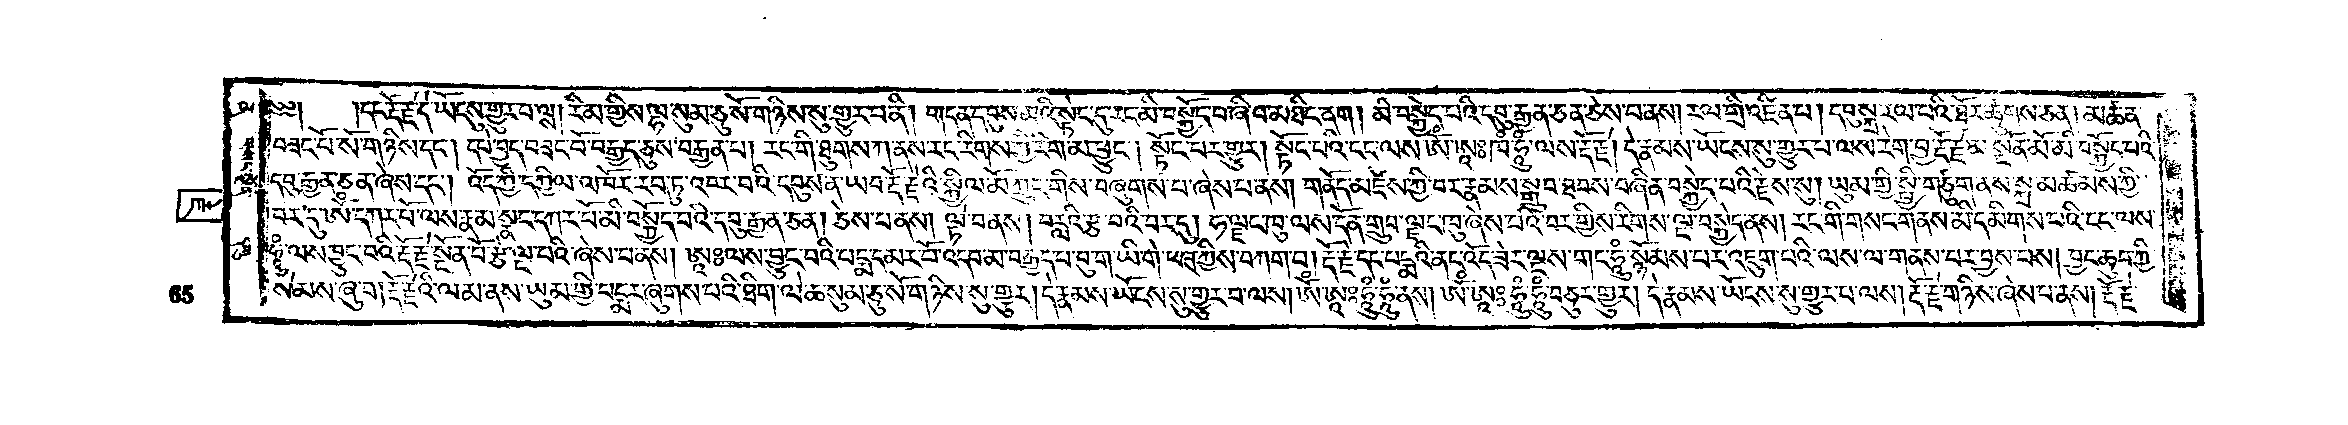༄༅། །དང་རྡོ་རྗེ་དེ་ཡོངས་སུ་གྱུར་པ་ལས། རིམ་གྱིས་ལྷ་སུམ་ཅུ་སོ་གཉིས་སུ་གྱུར་པ་ནི། གདན་དབུས་མའི་སྟེང་དུ་རང་མི་བསྐྱོད་པ་ཞི་བ་མཐིང་ནག། མི་བསྐྱོད་པའི་དབུ་རྒྱན་ཅན་ཅེས་པ་ནས། རལ་གྲི་འཛིན་པ། དབུ་སྐྲ་རལ་པའི་ཐོར་ཚུགས་ཅན། མཚན་བཟང་པོ་སོ་གཉིས་དང་། དཔེ་བྱད་བཟང་པོ་བརྒྱད་ཅུས་བརྒྱན་པ། རང་གི་ཐུགས་ཀ་ནས་རང་རིགས་ཀྱི་རིག་མ་ཕྱུང་། སྟོང་པར་གྱུར། སྟོང་པའི་ངང་ལས་ཨོཾ་ཨཱཿ ཁཾ་ཧཱུཾ་ལས་རྡོ་རྗེ། དེ་རྣམས་ཡོངས་སུ་གྱུར་པ་ལས་རེག་བྱ་རྡོ་རྗེ་མ་སྔོན་མོ་མི་བསྐྱོད་པའི་
དབུ་རྒྱན་ཅན་ཞེས་དང་། འོད་ཀྱི་དཀྱིལ་འཁོར་རབ་ཏུ་འབར་བའི་དབུས་ན་ཡབ་རྡོ་རྗེའི་སྐྱིལ་མོ་ཀྲུང་གིས་བཞུགས་པ་ཞེས་པ་ནས། གནོད་མཛེས་ཀྱི་བར་རྣམས་སྒྲུབ་ཐབས་བཞིན་བསྐྱེད་པའི་རྗེས་སུ། ཡུམ་གྱི་སྤྱི་གཙུག་ནས་སྐྲ་མཚམས་ཀྱི་
བར་དུ་ཨོཾ་དཀར་པོ་ལས་རྣམ་སྣང་དཀར་པོ་མི་བསྐྱོད་པའི་དབུ་རྒྱན་ཅན། ཅེས་པ་ནས། ལྟེ་བ་ནས། བརླའི་རྩ་བའི་བར་དུ། ཧ་ལྗང་ཁུ་ལས་དོན་གྲུབ་ལྗང་ཁུ་ཞེས་པའི་བར་གྱིས་རིགས་ལྔ་བསྐྱེད་ནས། རང་གི་གསང་གནས་མི་དམིགས་པའི་ངང་ལས་
ཧཱུཾ་ལས་བྱུང་བའི་རྡོ་རྗེ་སྔོན་པོ་རྩེ་ལྔ་པའི་ཞེས་པ་ནས། ཨཱཿ ལས་བྱུང་བའི་པདམ་དམར་པོ་འདབ་མ་བརྒྱད་པ་བུ་ག་ཡི་གེ་ཕཊ་ཀྱིས་བཀག་པ། རྡོ་རྗེ་དང་པདམའི་ནང་འོད་ཟེར་ལྔས་གང་ཧཱུཾ་སྙོམས་པར་འཇུག་པའི་ལས་ལ་གནས་པར་བྱས་པས། བྱང་ཆུབ་ཀྱི་
སེམས་ཞུ་བ། རྡོ་རྗེའི་ལམ་ནས་ཡུམ་གྱི་པདམར་ཞུགས་པའི་ཐིག་ལེ་ཆ་སུམ་ཅུ་སོ་གཉིས་སུ་གྱུར། དེ་རྣམས་ཡོངས་སུ་གྱུར་པ་ལས། ཨོཾ་ཨཱཿ ཧཱུཾ་ཧཱུཾ་ནས། ཨོཾ་ཨཱཿ ཧཱུཾ་ཧཱུཾ་བཅུར་གྱུར། དེ་རྣམས་ཡོངས་སུ་གྱུར་པ་ལས། རྡོ་རྗེ་གཉིས་ཞེས་པ་ནས། རྡོ་རྗེ་